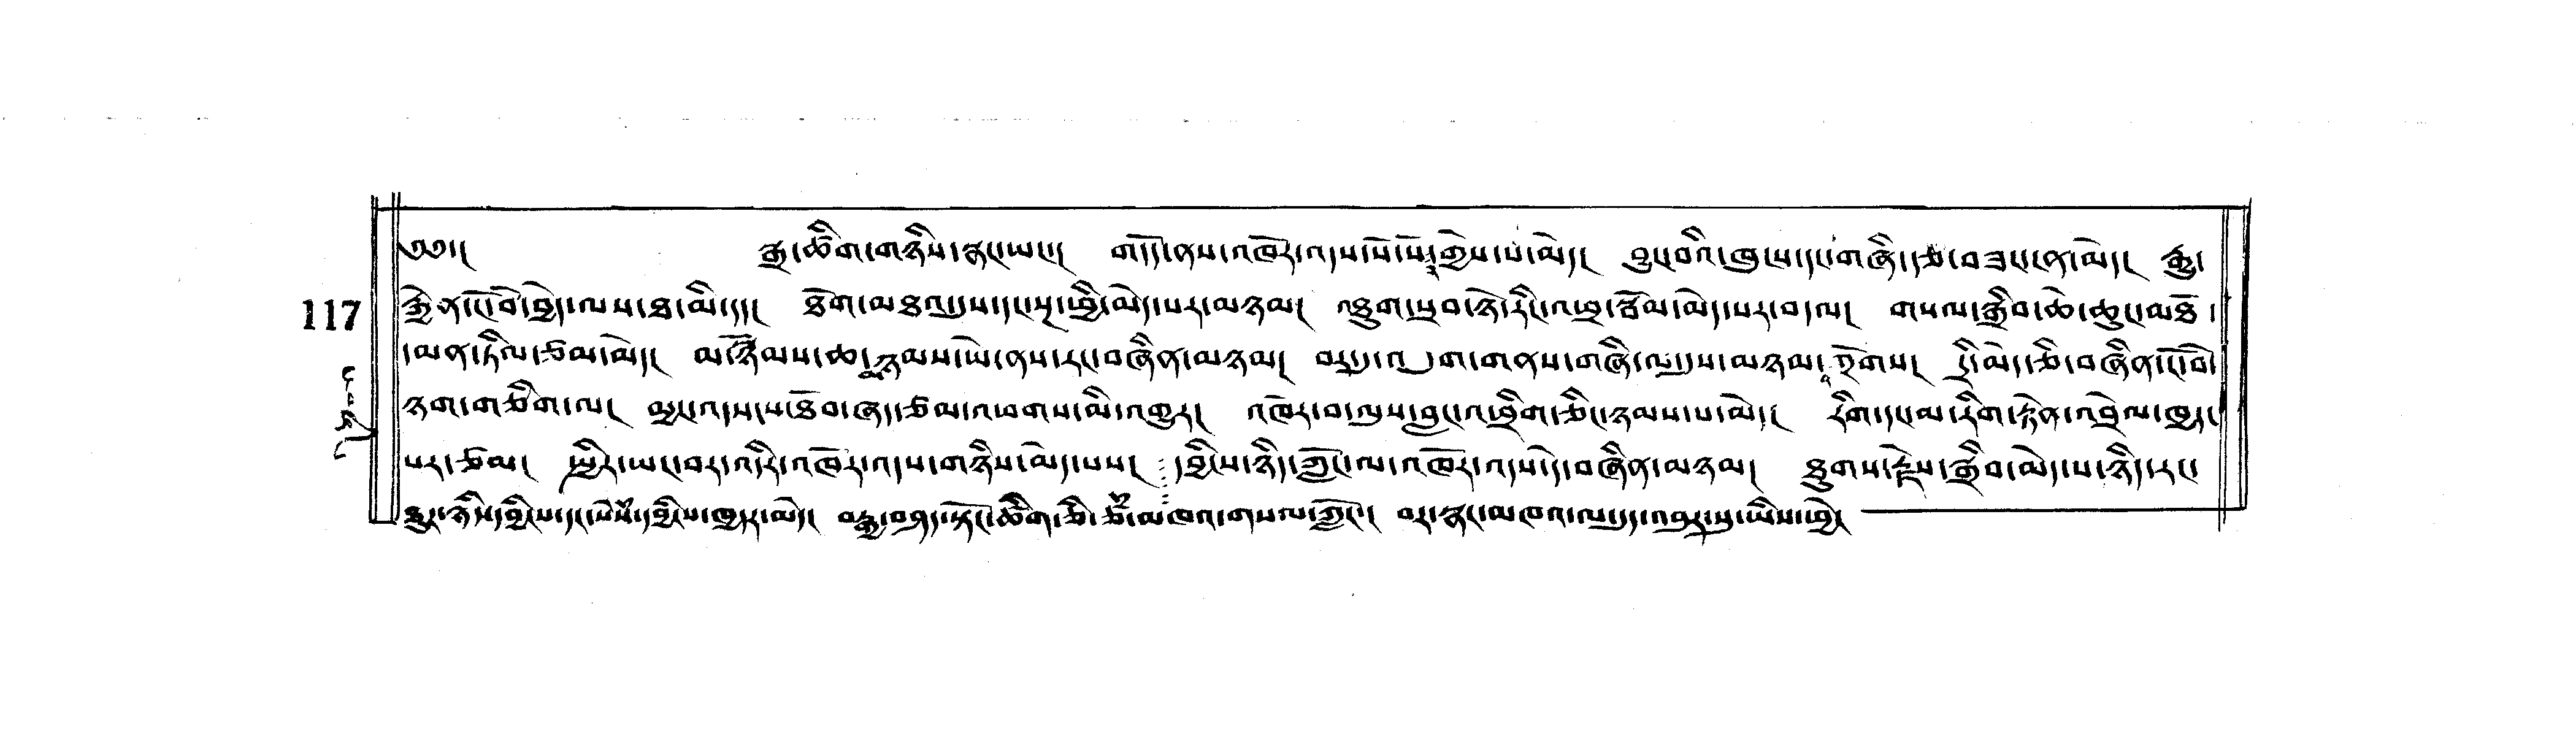སྒྲ་ཚིག་གཉིས་སྣང་ཡང་། གདོད་ནས་འཁོར་འདས་སོ་སོར་གྱེས་པ་མེད། བྱུང་བའི་ཁུངས་དང་གཞི་རྩ་བཟང་ངན་མེད། རྒྱུ་
རྐྱེན་ངོ་བོ་བྱེད་ལས་ཐ་མི་དད། ཐོག་མཐའ་དུས་དང་སྔ་ཕྱི་མེད་པར་མཉམ། མཐུག་སྲབ་ཉེ་རིང་འཕྲ་སྦོམ་མེད་པར་བདལ། གསལ་སྒྲིབ་ཆེ་ཆུང་མཐོ་
དམན་ཏིལ་ཙམ་མེད། མ་སྙོམས་ཆ་མཉམ་ཡེ་ནས་རང་བཞིན་མཉམ། བར་དུ་འདུག་གནས་གཞི་ལ་དུས་མཉམ་འགྲོགས། དྲི་མེད་ཅི་བཞིན་ངོ་བོ་
ཉག་གཅིག་ལ། མྱང་འདས་ས་ཐོབ་ཞེད་ཙམ་འཕགས་མི་འགྱུར། འཁོར་བ་ལུས་བླང་འཕྲིག་ཅིང་ཉམས་པ་མེད། རིག་དང་མ་རིག་རྟེན་འབྲེལ་ཁྱད་
པར་ཙམ། སྤྱིར་ཡང་བར་འདིར་འཁོར་འདས་གཉིས་མེད་པས། ཐུགས་ཉིད་དབྱིངས་དང་སེམས་དབྱིངས་ཁྱད་པར་མེད། བརྒྱ་བཤད་སྟོང་བཤད་ཅི་ཙམ་མཁའ་གསལ་ཀློང་།
 བར་སྣང་མཁའ་མཁའ་ལ་དུད་འབུར་སུ་ཡིས་ཕྱེ། དབྱིངས་ཉིད་ཀློང་ལ་འཁོར་འདས་དེ་བཞིན་མཉམ། ཐུགས་རྗེས་སྒྲིབ་མེད་པ་ཉིད་རང་